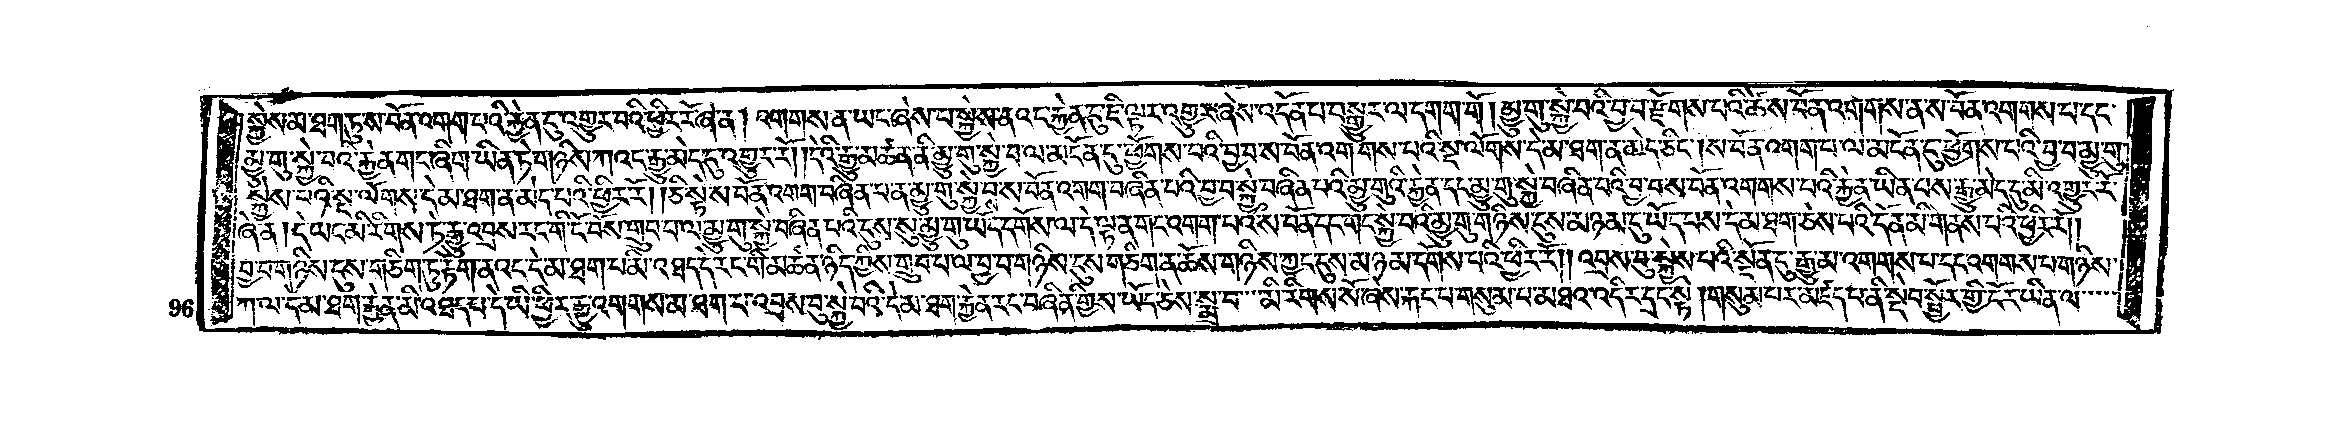སྐྱེས་མ་ཐག་ཏུ་ས་བོན་འགག་པའི་རྐྱེན་དུ་འགྱུར་བའི་ཕྱིར་རོ་ཞེ་ན། འགགས་ན་ཡང་ཞེས་པ་སྐྱེས་ནའང་རྐྱེན་དུ་ཇི་ལྟར་འགྱུར་ཞེས་འདོན་པ་བསྒྱུར་ལ་དགག་གོ །མྱུ་གུ་སྐྱེ་བའི་བྱ་བ་རྫོགས་པའི་ཚེ་ས་བོན་འགགས་ན་ས་བོན་འགགས་པ་དང་
མྱུ་གུ་སྐྱེ་བའི་རྐྱེན་གང་ཞིག་ཡིན་ཏེ་གཉིས་ཀའང་རྒྱུ་མེད་དུ་འགྱུར་རོ། །དེའི་རྒྱུ་མཚན་ནི་མྱུ་གུ་སྐྱེ་བ་ལ་མངོན་དུ་ཕྱོགས་པའི་བྱ་བ་ས་བོན་འགགས་པའི་སྔ་ལོགས་དེ་མ་ཐག་ན་མེད་ཅིང་། ས་བོན་འགགས་པ་ལ་མངོན་དུ་ཕྱོགས་པའི་བྱ་བ་མྱུ་གུ་
སྐྱེས་པའི་སྔ་ལོགས་དེ་མ་ཐག་ན་མེད་པའི་ཕྱིར་རོ། །ཅི་སྟེ་ས་བོན་འགག་བཞིན་པ་ནི་མྱུ་གུ་སྐྱེ་བས་ས་བོན་འགག་བཞིན་པའི་བྱ་བ་སྐྱེ་བཞིན་པའི་མྱུ་གུའི་རྐྱེན་དང་མྱུ་གུ་སྐྱེ་བཞིན་པའི་བྱ་བ་ས་བོན་འགགས་པའི་རྐྱེན་ཡིན་པས་རྒྱུ་མེད་དུ་མི་འགྱུར་རོ་
ཞེ་ན། དེ་ཡང་མི་རིགས་ཏེ་རྒྱུ་འབྲས་རང་གི་ངོ་བོས་གྲུབ་པ་ལ་མྱུ་གུ་སྐྱེ་བཞིན་པའི་དུས་སུ་མྱུ་གུ་ཡོད་དགོས་ལ་དེ་ལྟ་ན་གང་འགག་པཱྀ་ས་བོན་དང་གང་སྐྱེ་བའི་མྱུ་གུ་གཉིས་དུས་མཉམ་དུ་ཡོད་པས་དེ་མ་ཐག་ཅེས་པའི་དོན་མི་གནས་པའི་ཕྱིར་རོ།།
བྱ་བ་གཉིས་དུས་གཅིག་ཏུ་རྟོག་ནའང་དེ་མ་ཐག་པ་མི་འཐད་དེ་རང་གི་མཚན་ཉིད་ཀྱིས་གྲུབ་པ་ལ་བྱ་བ་གཉིས་དུས་གཅིག་ན་ཆོས་གཉིས་ཀྱང་དུས་མཉམ་དགོས་པའི་ཕྱིར་རོ། །འབྲས་བུ་སྐྱེས་པའི་སྔོན་དུ་རྒྱུ་མ་འགགས་པ་དང་འགགས་པ་གཉིས་
ཀ་ལ་དེ་མ་ཐག་རྐྱེན་མི་འཐད་པ་དེ་ཡི་ཕྱིར་རྒྱུ་འགགས་མ་ཐག་པ་འབྲས་བུ་སྐྱེ་བའི་དེ་མ་ཐག་རྐྱེན་རང་བཞིན་གྱིས་ཡོད་ཅེས་སྨྲ་བ་མི་རིགས་སོ་ཞེས་རྐང་པ་གསུམ་པ་མཐའ་འདིར་དྲང་སྟེ། གསུམ་པར་མཛད་པ་ནི་སྡེབ་སྦྱོར་གྱི་ངོར་ཡིན་ལ་